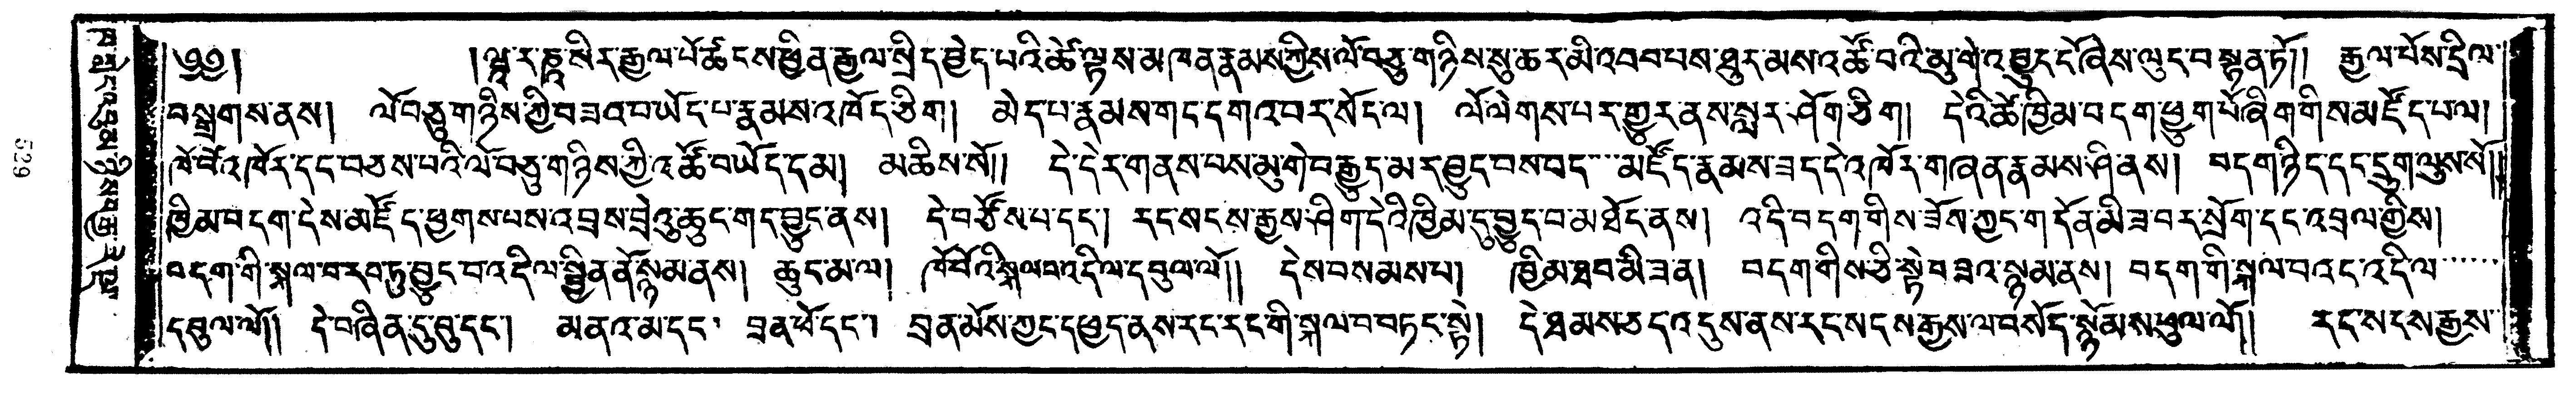༄༅། །ཝཱ་ར་ཎཱ་སིར་རྒྱལ་པོ་ཚངས་ཕྱིན་རྒྱལ་སྲིད་བྱེད་པའི་ཚེ་ལྟས་མཁན་རྣམས་ཀྱིས་ལོ་བཅུ་གཉིས་སུ་ཆར་མི་འབབ་པས་ཐུར་མས་འཚོ་བའི་མུ་གེ་འབྱུང་ངོ་ཞེས་ལུང་བསྟན་ཏོ།། རྒྱལ་པོས་དྲིལ་
བསྒྲགས་ནས། ལོ་བཅུ་གཉིས་ཀྱི་བཟའ་བ་ཡོད་པ་རྣམས་འཁོད་ཅིག། མེད་པ་རྣམས་གང་དགའ་བར་སོང་ལ། ལོ་ལེགས་པར་གྱུར་ནས་སླར་ཤོག་ཅིག། དེའི་ཚེ་ཁྱིམ་བདག་ཕྱུག་པོ་ཞིག་གིས་མཛོད་པ་ལ།
ཁོ་བོ་འཁོར་དང་བཅས་པའི་ལོ་བཅུ་གཉིས་ཀྱི་འཚོ་བ་ཡོད་དམ། མཆིས་སོ།། དེ་དེར་གནས་པས་མུ་གེ་བརྒྱུད་མར་བྱུང་བས་བད་མཛོད་རྣམས་ཟད་དེ་འཁོར་གཞན་རྣམས་ཤི་ནས། བདག་ཉིད་དང་དྲུག་ལུས་སོ།།
ཁྱིམ་བདག་དེས་མཛོད་ཕྱགས་པས་འབྲས་བྲེའུ་ཆུང་གང་བྱུང་ནས། དེ་བཙོས་པ་དང་། རང་སངས་རྒྱས་ཤིག་དེའི་ཁྱིམ་དུ་བྱུང་བ་མཐོང་ནས། འདི་བདག་གིས་ཟོས་ཀྱང་གདོན་མི་ཟ་བར་སྲོག་དང་འབྲལ་གྱིས།
བདག་གི་སྐལ་བ་རབ་ཏུ་བྱུང་བ་འདི་ལ་སྦྱིན་ནོ་སྙམ་ནས། ཆུང་མ་ལ། ཁོ་བོའི་སྐལ་བ་འདི་ལ་དབུལ་ལོ།། དེས་བསམས་པ། ཁྱིམ་ཐབ་མི་ཟ་ན། བདག་གིས་ཅི་སྟེ་བཟའ་སྙམ་ནས། བདག་གི་སྐལ་བའང་འདི་ལ་
དབུལ་ལོ།། དེ་བཞིན་དུ་བུ་དང་། མནའ་མ་དང་། བྲན་ཕོ་དང་། བྲན་མོས་ཀྱང་དྥྱད་ནས་རང་རང་གི་སྐལ་བ་བཏང་སྟེ། དེ་ཐམས་ཅད་འདུས་ནས་རང་སངས་རྒྱས་ལ་བསོད་སྙོམས་ཕུལ་ལོ།། རང་སངས་རྒྱས་